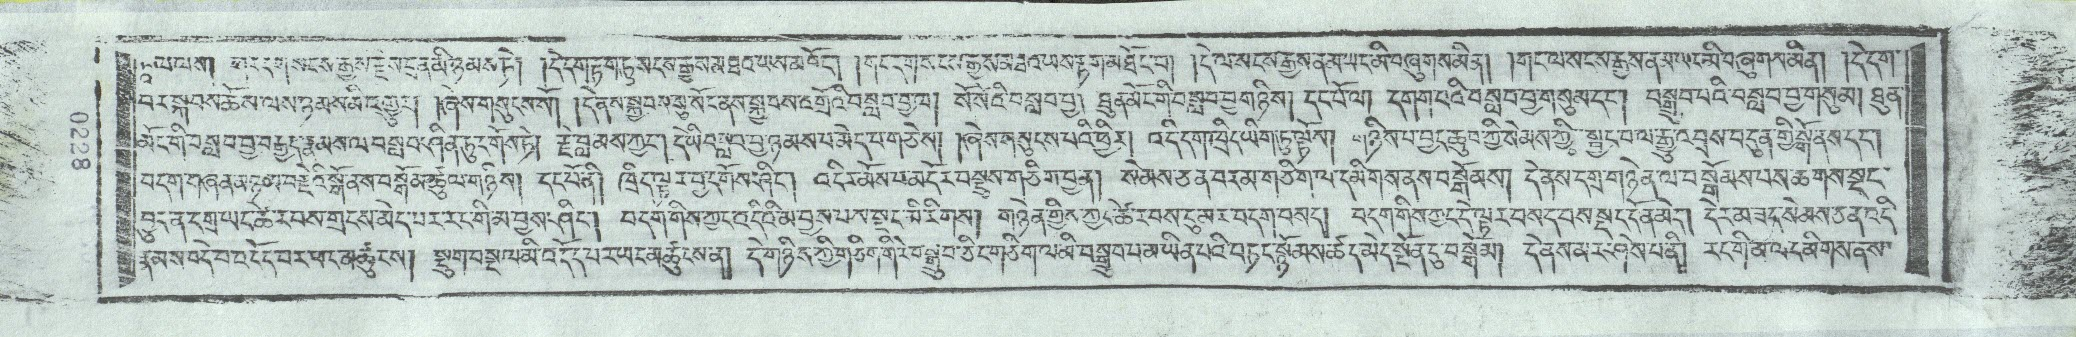ཏཱ་ལ་ལས། གང་དག་སངས་རྒྱས་རྗེས་དྲན་མི་ཉམས་ཏེ། །དེ་དག་རྟག་ཏུ་སངས་རྒྱས་མཐའ་ཡས་མའོང་། །གང་དག་སངས་རྒྱས་མཐའ་ཡས་རྟག་མཐོང་བ། །དེ་ལ་སངས་རྒྱས་ནམ་ཡང་མི་བཞུགས་མིན། །གང་ལ་སངས་རྒྱས་ནམ་ཡང་མི་བཞུགས་མིན། །དེ་དག་
བར་སྐབས་ཆོས་ལས་ཉམས་མི་འགྱུར། །ཞེས་གསུངས་སོ། །དེ་ནས་སྐྱབས་སུ་སོང་ནས་སྐྱབས་འགྲོའི་བསླབ་བྱ་ལ། སོ་སོའི་བསླབ་བྱ། ཐུན་མོང་གི་བསླབ་བྱ་གཉིས། དང་པོ་ལ། དགག་པའི་བསླབ་བྱ་གསུམ་དང་། བསྒྲུབ་པའི་བསླབ་བྱ་གསུམ། ཐུན་
མོང་གི་བསླབ་བྱ་བརྒྱད་རྣམས་ལ་བསླབ་ཤིན་ཏུ་དགོས་ཏེ། རྗེ་བླ་མས་ཀྱང་། དེ་ཡི་བསླབ་བྱ་ཉམས་པ་མེད་པ་གཅེས། །ཞེས་གསུངས་པའི་ཕྱིར། འདི་དག་ཁྲིད་ཡིག་ཏུ་ལྟོས། གཉིས་པ་བྱང་ཆུབ་ཀྱི་སེམས་ཀྱི་སྦྱང་བ་ལ་རྒྱུ་འབྲས་བདུན་གྱི་སྒོ་ནས་དང་།
བདག་གཞན་མཉམ་བརྗེའི་སྒོ་ནས་བསྒོམ་ཚུལ་གཉིས། དང་པོ་ནི། ཁྲིད་ལྟར་བྱ་དགོས་ཤིང་། འདིར་མོས་པ་མདོར་བསྡུས་གཅིག་བྱ་ན། སེམས་ཅན་བར་མ་གཅིག་ལ་དམིགས་ནས་བསྒོམས། དེ་ནས་དགྲ་གཉེན་ལ་བསྒོམས་པས་ཆགས་སྡང་
བྱུང་ན་དགྲ་ཡང་ཚེ་རབས་གྲངས་མེད་པར་རང་གི་མ་བྱས་ཤིང་། བདག་གིས་ཀྱང་འདིའི་མ་བྱས་པས་སྡང་མི་རིགས། གཉེན་གྱིས་ཀྱང་ཚེ་རབས་དུ་མར་བདག་བསད། བདག་གིས་ཀྱང་དེ་ལྟར་བསད་པས་སྡད་དོན་མེད། དེར་མ་ཟད་སེམས་ཅན་འདི་
རྣམས་བདེ་བ་འདོད་པར་ཡང་མཚུངས། སྡུག་བསྔལ་མི་འདོད་པར་ཡང་མཚུངས་ན། དེ་གཉིས་ཀྱི་གཅིག་གི་རེ་བ་སྒྲུབ་ཅིང་གཅིག་ལ་མི་བསྒྲུབ་བྱ་མ་ཡིན་པའི་བཏང་སྙོམས་ཚད་མེད་སྔོན་དུ་བསྒོམ། དེ་ནས་མར་ཤེས་པ་ནི། རང་གི་མ་ལ་དམིགས་ནས་